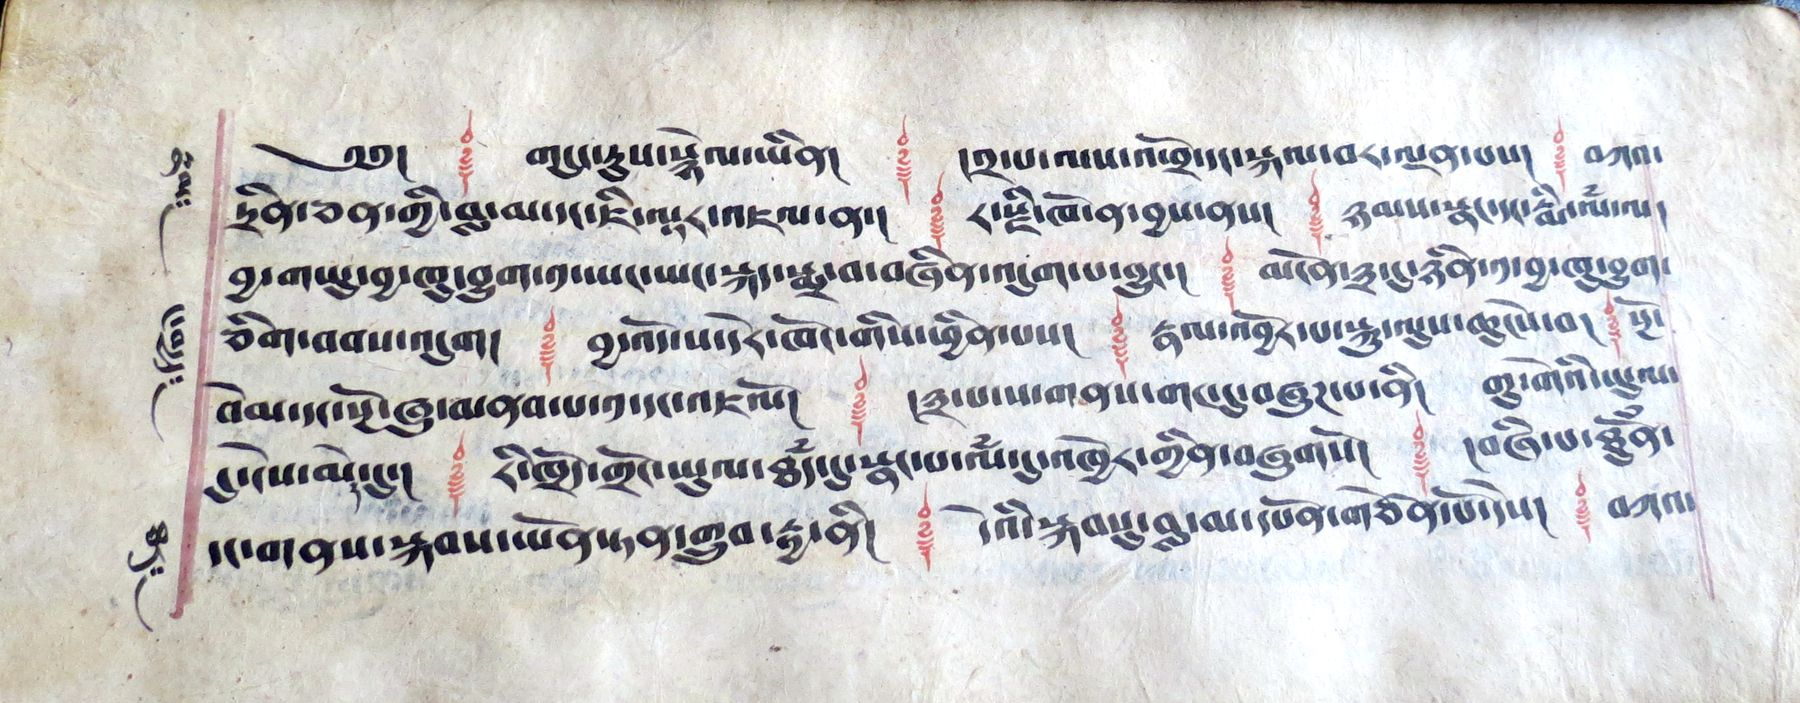གདུང་རུས་སྙེལ་ཡིན། གཉིས་པ་ལས་འཕྲོ་དང་སྐལ་པར་ལྡན་པས། བཀའ་
དྲིན་ཅན་གྱི་བླ་མ་དང་ཇི་ལྟར་མཇལ་ན། ར་རྫི་ཁོ་ན་བྱས་ནས། ཉམས་སྣང་དང་རྨི་ལམ་ལ། 
བྱ་གཡུ་བྱ་ཁུ་བྱུག་ཅིག་ཡང་ཡང་དུ་སྐད་སྨྲ་བཞིན་འདུག་པ་བྱུང་། མངོན་སུམ་དུ་ཉིན་གཅིག་བྱ་ཁུ་བྱུག་
ཅིག་བབས་འདུག། བྱ་འོང་ས་དེར་ཁོང་ཕྱིན་པས། རྣལ་འབྱོར་པ་སྐུ་ལུས་ཆུང་སེ་བ། སྔོ་
བེམ་དང་སྒོམ་ཞུ་མནབ་པ་ཞིག་དང་མཇལ་ལོ། ། གསུམ་པ་ས་གནས་ཁྱད་པར་ཅན་གང་དུ་བཞུགས་པ་ནི། གུ་གེ་ཡུལ་
དུ་ངེས་མེད་དུ། རི་ཁྲོད་གྲོང་ཡུལ་ཐམས་ཅད་སྣང་བ་ལམ་དུ་ཁྱེར་གྱིན་བཞུགས་སོ། ། བཞི་པ་ཐུན་མོང་
དང་གནས་སྐབས་ཀྱི་ཡོན་ཏན་གྲུབ་རྟགས་ནི། དེའི་སྐབས་སུ་བླ་མ་དཔོན་བཙན་པོ་དེས། བཀའ་